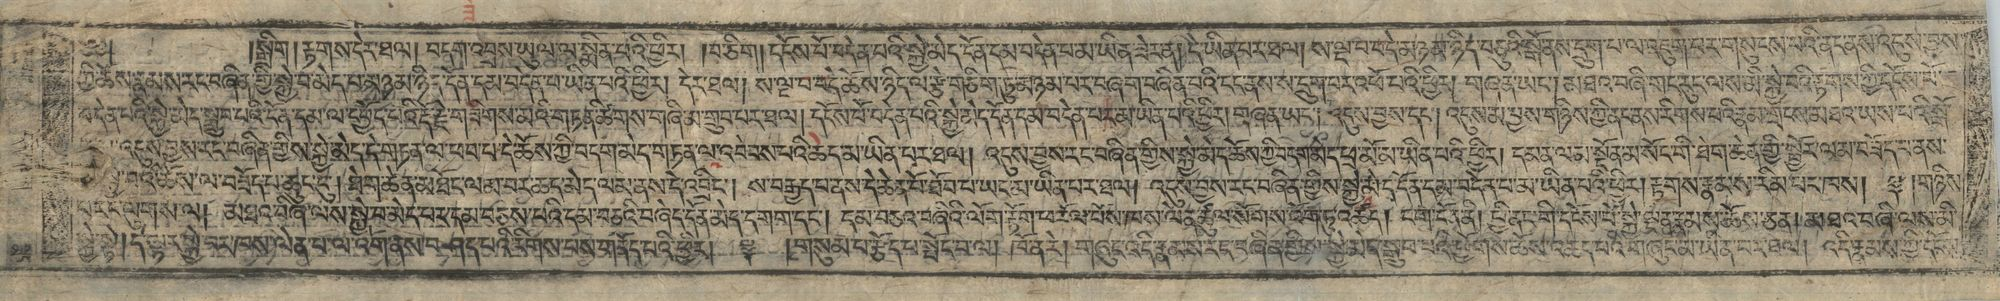༄༅། །སྒྲིག །རྟགས་དེར་ཐལ། བདག་འབྲས་ཡུལ་ལ་སྨིན་པའི་ཕྱིར། ཁ་ཅིག ། དངོས་པོ་བདེན་པའི་སྐྱེ་མེད་དོན་དམ་བདེན་པ་མ་ཡིན་ཟེར་ན། དེ་ཡིན་པར་ཐལ། ས་ལྔ་པ་བ་?་དེ་མཉམ་ཉིད་བཅུའི་སྒོ་ནས་དྲུག་པ་ལ་འཇུག་པར་གསུངས་པའི་ནང་ནས་འདུས་བྱས་
ཀྱི་ཆོས་རྣམས་རང་བཞིན་གྱི་སྐྱེ་བ་མེད་པ་མཉམ་ཉིད་དོན་དམ་བདེན་པ་ཡིན་པའི་ཕྱིར། དེར་ཐལ། ས་ལྔ་པ་བ་དེ་ཆོས་ཉིད་ལ་རྩེ་གཅིག་ཏུ་མཉམ་པར་བཞག་བཞིན་པའི་ངང་ནས་ས་དྲུག་པར་འཕོ་བའི་ཕྱིར། གཞན་ཡང་། མཐའ་བཞི་གང་རུང་ལས་མི་སྐྱེ་བའི་རྟགས་ཀྱིས་དངོས་པོ་
བདེན་པའི་སྐྱེ་མེད་སྒྲུབ་པའི་དོན་དམ་ལ་དཔྱོད་པའི་རྡོ་རྗེ་གཟེགས་མའི་གཏན་ཚིགས་གཞི་མ་གྲུབ་པར་ཐལ། དངོས་པོ་བདེན་པའི་སྐྱེ་མེད་དོན་དམ་བདེན་པ་མ་ཡིན་པའི་ཕྱིར། གཞན་ཡང་། འདུས་བྱས་དང་། འདུས་མ་བྱས་གཉིས་ཀྱི་ནང་ནས་རིགས་པའི་རྣམ་གྲངས་མཐའ་ཡས་པའི་སྒོ་
ནས་འདུས་བྱས་རང་བཞིན་གྱིས་སྐྱེ་མེད་དེ་གཏན་ལ་ཕབ་པ་དེ་ཆོས་ཀྱི་བདག་མེད་གཏན་ལ་འབེབས་པའི་ཆེད་མ་ཡིན་པར་ཐལ། འདུས་བྱས་རང་བཞིན་གྱིས་སྐྱེ་མེད་ཆོས་ཀྱི་བདག་མེད་ཕྲ་མོ་མ་ཡིན་པའི་ཕྱིར། དམན་ལམ་སྔོན་མ་སོང་གི་ཐེག་ཆེན་གྱི་སྦྱོར་ལམ་བཟོད་པ་ནས་
མི་སྐྱེ་བའི་ཆོས་ལ་བཟོད་པ་ཆུང་ངུ། ཐེག་ཆེན་མཐོང་ལམ་བར་ཆད་མེད་ལམ་ནས་དེ་འབྲིང་། ས་བརྒྱད་པ་ནས་དེ་ཆེན་པོ་ཐོབ་པ་ཡང་མ་ཡིན་པར་ཐལ། འདུས་བྱས་རང་བཞིན་གྱིས་སྐྱེ་མེད་དོན་དམ་བདེན་པ་མ་ཡིན་པའི་ཕྱིར། རྟགས་རྣམས་རིམ་པར་ཁས། ༈ །གཉིས་
པ་རང་ལུགས་ལ། མཐའ་བཞི་ལས་སྐྱེ་བ་མེད་པར་དམ་བཅས་པའི་དམ་བཅའི་བཞེད་དོན་མེད་དགག་དང་། དམ་བཅའ་བཞིའི་ལོག་རྟོག་ཕ་རོལ་པོས་ཁས་ལེན་ཚུལ་སོགས་འོག་ཏུ་འཆད། ངག་དོན་ནི། ཕྱི་ནང་གི་དངོས་པོ་སྐྱེ་ལྡན་རྣམས་ཆོས་ཅན། མཐའ་བཞི་ལས་མི་
སྐྱེ་སྟེ། དེ་ལྟར་སྐྱེ་བར་ཁས་ལེན་པ་ལ་འོག་ནས་བཤད་པའི་རིགས་པས་གནོད་པའི་ཕྱིར། ༈ །གསུམ་པ་རྩོད་པ་སྤོང་བ་ལ། ཁོ་ན་རེ། གཞུང་འདི་རྣམས་རང་བཞིན་གྱིས་སྐྱེ་མེད་སྒྲུབ་པའི་ཕྱོགས་ཆོས་འཆད་པའི་གཞུང་མ་ཡིན་པར་ཐལ། འདི་རྣམས་ཀྱི་དངོས་